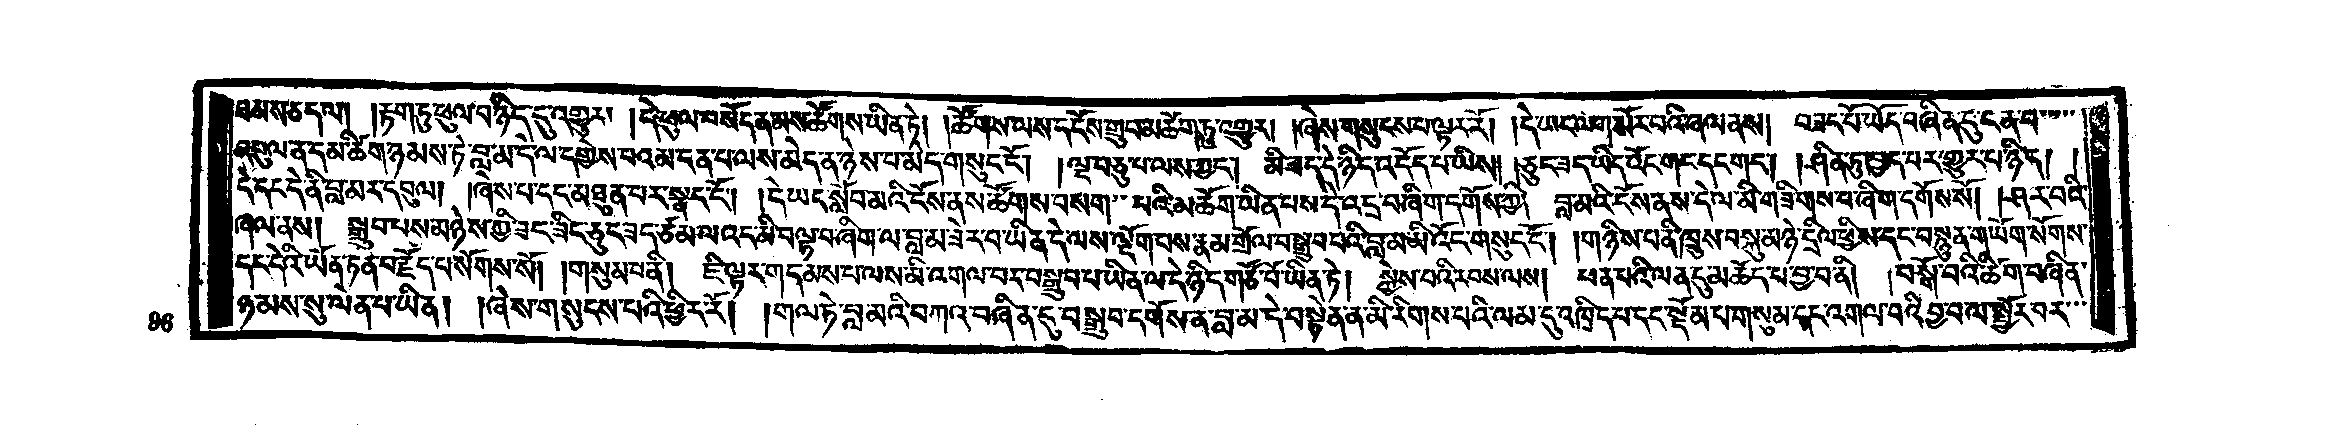ཐམས་ཅད་ལ། །རྟག་ཏུ་ཕུལ་བ་ཉིད་དུ་འགྱུར། །དེ་ཕུལ་བསོད་ནམས་ཚོགས་ཡིན་ཏེ། །ཚོགས་ལས་དངོས་གྲུབ་མཆོག་ཏུ་འགྱུར། །ཞེས་གསུངས་པ་ལྟར་རོ། །དེ་ཡང་ལག་སོར་བའི་ཞལ་ནས། བཟང་པོ་ཡོད་བཞིན་དུ་ངན་པ་
འབུལ་ན་དམ་ཚིག་ཉམས་ཏེ་བླ་མ་དེ་ལ་དགྱེས་པའམ་ངན་པ་ལས་མེད་ན་ཉེས་པ་མེད་གསུང་ངོ། །ལྔ་བཅུ་པ་ལས་ཀྱང་། མི་ཟད་དེ་ཉིད་འདོད་པ་ཡིས། །ཅུང་ཟད་ཡིད་འོང་གང་དང་གང་། །ཤིན་ཏུ་ཁྱད་པར་གྱུར་པ་ཉིད། །
དེ་དང་དེ་ནི་བླ་མར་དབུལ། །ཞེས་པ་དང་མཐུན་པར་སྣང་ངོ། །དེ་ཡང་སློབ་མའི་ངོས་ནས་ཚོགས་བསག་པའི་མཆོག་ཡིན་པས་དེ་འདྲ་བ་ཞིག་དགོས་ཀྱི། བླ་མའི་ངོས་ནས་དེ་ལ་མི་གཟིགས་པ་ཞིག་དགོས་སོ། །ཤ་ར་བའི་
ཞལ་ནས། སྒྲུབ་པས་མཉེས་ཀྱི་ཟང་ཟིང་ཅུང་ཟད་ཙམ་ལའང་མི་བལྟ་བ་ཞིག་ལ་བླ་མ་ཟེར་བ་ཡིན་དེ་ལས་ལྡོག་པས་རྣམ་གྲོལ་བསྒྲུབ་པའི་བླ་མ་མི་འོང་གསུང་ངོ། །གཉིས་པ་ནི་ཁྲུས་བསྐུ་མཉེ་དྲིལ་ཕྱིས་དང་བསྙུན་གཡོག་སོགས་
དང་དེའི་ཡོན་ཏན་བརྗོད་པ་སོགས་སོ། །གསུམ་པ་ནི། ཇི་ལྟར་གདམས་པ་ལས་མི་འགལ་བར་བསྒྲུབ་པ་ཡིན་ལ་དེ་ཉིད་གཙོ་བོ་ཡིན་ཏེ། སྐྱེས་པའི་རབས་ལས། ཕན་པའི་ལན་དུ་མཆོད་པ་བྱ་བ་ནི། །བསྒོ་བའི་ཚིག་བཞིན་
ཉམས་སུ་ལེན་པ་ཡིན། །ཞེས་གསུངས་པའི་ཕྱིར་རོ། །གལ་ཏེ་བླ་མའི་བཀའ་བཞིན་དུ་བསྒྲུབ་དགོས་ན་བླ་མ་དེ་བསྟེན་ན་མི་རིགས་པའི་ལམ་དུ་འཁྲིད་པ་དང་སྡོམ་པ་གསུམ་དང་འགལ་བའི་བྱ་བ་ལ་སྦྱོར་བར་